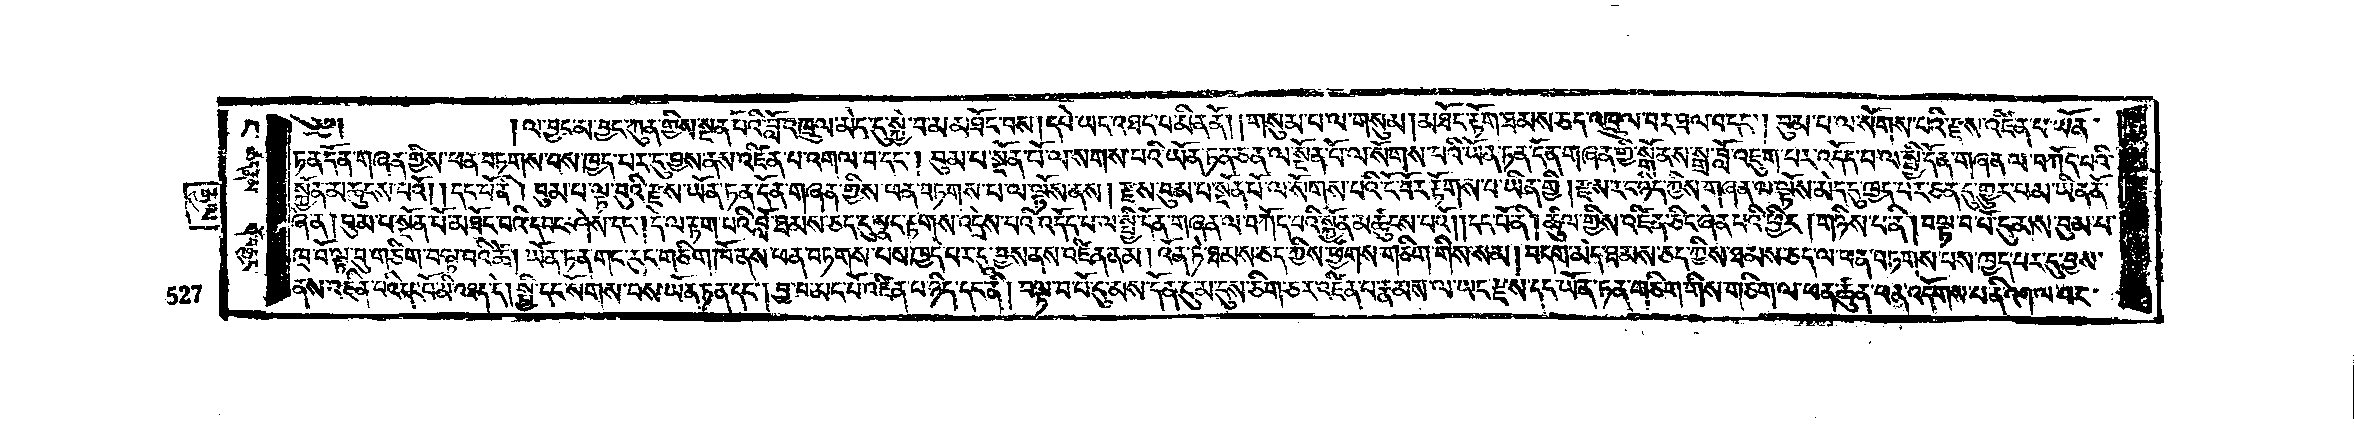༄༅། །ལ་བྱང་མ་བྱང་ཀུན་གྱིས་སྔོན་པོའི་བློ་འཁྲུལ་མེད་དུ་སྐྱེ་བ་མ་མཐོང་བས། དཔེ་ཡང་འཐད་པ་མིན་ནོ། །གསུམ་པ་ལ་གསུམ། མཐོང་རྟོག་ཐམས་ཅད་འཁྲུལ་བར་ཐལ་བ་དང་། བུམ་པ་ལ་སོགས་པའི་རྫས་འཛིན་པ་ཡོན་
ཏན་དོན་གཞན་གྱིས་ཕན་བཏགས་པས་ཁྱད་པར་དུ་བྱས་ནས་འཛིན་པ་འགལ་བ་དང་། བུམ་པ་སྔོན་པོ་ལ་སོགས་པའི་ཡོན་ཏན་ཅན་ལ་སྔོན་པོ་ལ་སོགས་པའི་ཡོན་ཏན་དོན་གཞན་གྱི་སྒོ་ནས་སྒྲ་བློ་འཇུག་པར་འདོད་པ་ལ་སྤྱོ་དོན་གཞན་ལ་བཀོད་པའི་
སྐྱོན་མཚུངས་པའོ། །དང་པོ་ནི། བུམ་པ་ལྟ་བུའི་རྫས་ཡོན་ཏན་དོན་གཞན་གྱིས་ཕན་བཏགས་པ་ལ་ལྟོས་ནས། རྫས་བུམ་པ་སྔོན་པོ་ལ་སོགས་པའི་ངོ་བོར་རྟོགས་པ་ཡིན་གྱི། རྫས་རང་ཉིད་ཀྱིས་གཞན་ལ་ལྟོས་མེད་དུ་ཁྱད་པར་ཅན་དུ་གྱུར་པ་མ་ཡིན་ནོ་
ཞེ་ན། བུམ་པ་སྔོན་པོ་མཐོང་བའི་དབང་ཞེས་དང་། དེ་ལ་རྟག་པའི་བློ་ཐམས་ཅད་དུ་སྣང་རྟགས་འདྲེས་པའི་འདོད་པ་ལ་སྤྱི་དོན་གཞན་ལ་བཀོད་པའི་སྐྱོན་མཚུང་པའོ། །དང་པོ་ནི། ཚུལ་གྱིས་འཛིན་ཅིང་ཞེན་པའི་ཕྱིར། གཉིས་པ་ནི། བལྟ་བ་པོ་དུ་མས་བུམ་པ་
ཁྲ་བོ་ལྟ་བུ་གཅིག་བལྟ་བའི་ཚེ། ཡོན་ཏན་གང་རུང་གཅིག་ཁོ་ན་ཕན་བཏགས་པས་ཁྱད་པར་དུ་བྱས་ནས་འཛིན་ནམ། འོན་ཏེ་ཐམས་ཅད་ཀྱིས་ཕྱོགས་གཅིག་གིས་སམ། བདག་མེད་ཐམས་ཅད་ཀྱིས་ཐམས་ཅད་ལ་ཕན་བཏགས་པས་ཁྱད་པར་དུ་བྱས་
ནས་འཛིན་པའི་དང་པོ་མི་འཐད་དེ། སྤྱི་དང་སོགས་པས་ཡོན་ཏན་དང་། བྱ་བ་མང་པོ་འཛིན་པ་ཉིད་དང་ནི། བལྟ་བ་པོ་དུ་མས་དོན་དུ་མ་དུས་ཅིག་ཅར་འཛིན་པ་རྣམས་ལ་ཡང་རྫས་དང་ཡོན་ཏན་གཅིག་གིས་གཅིག་ལ་ཕན་ཚུན་ཕན་འདོགས་པ་ནི་འགལ་བར་